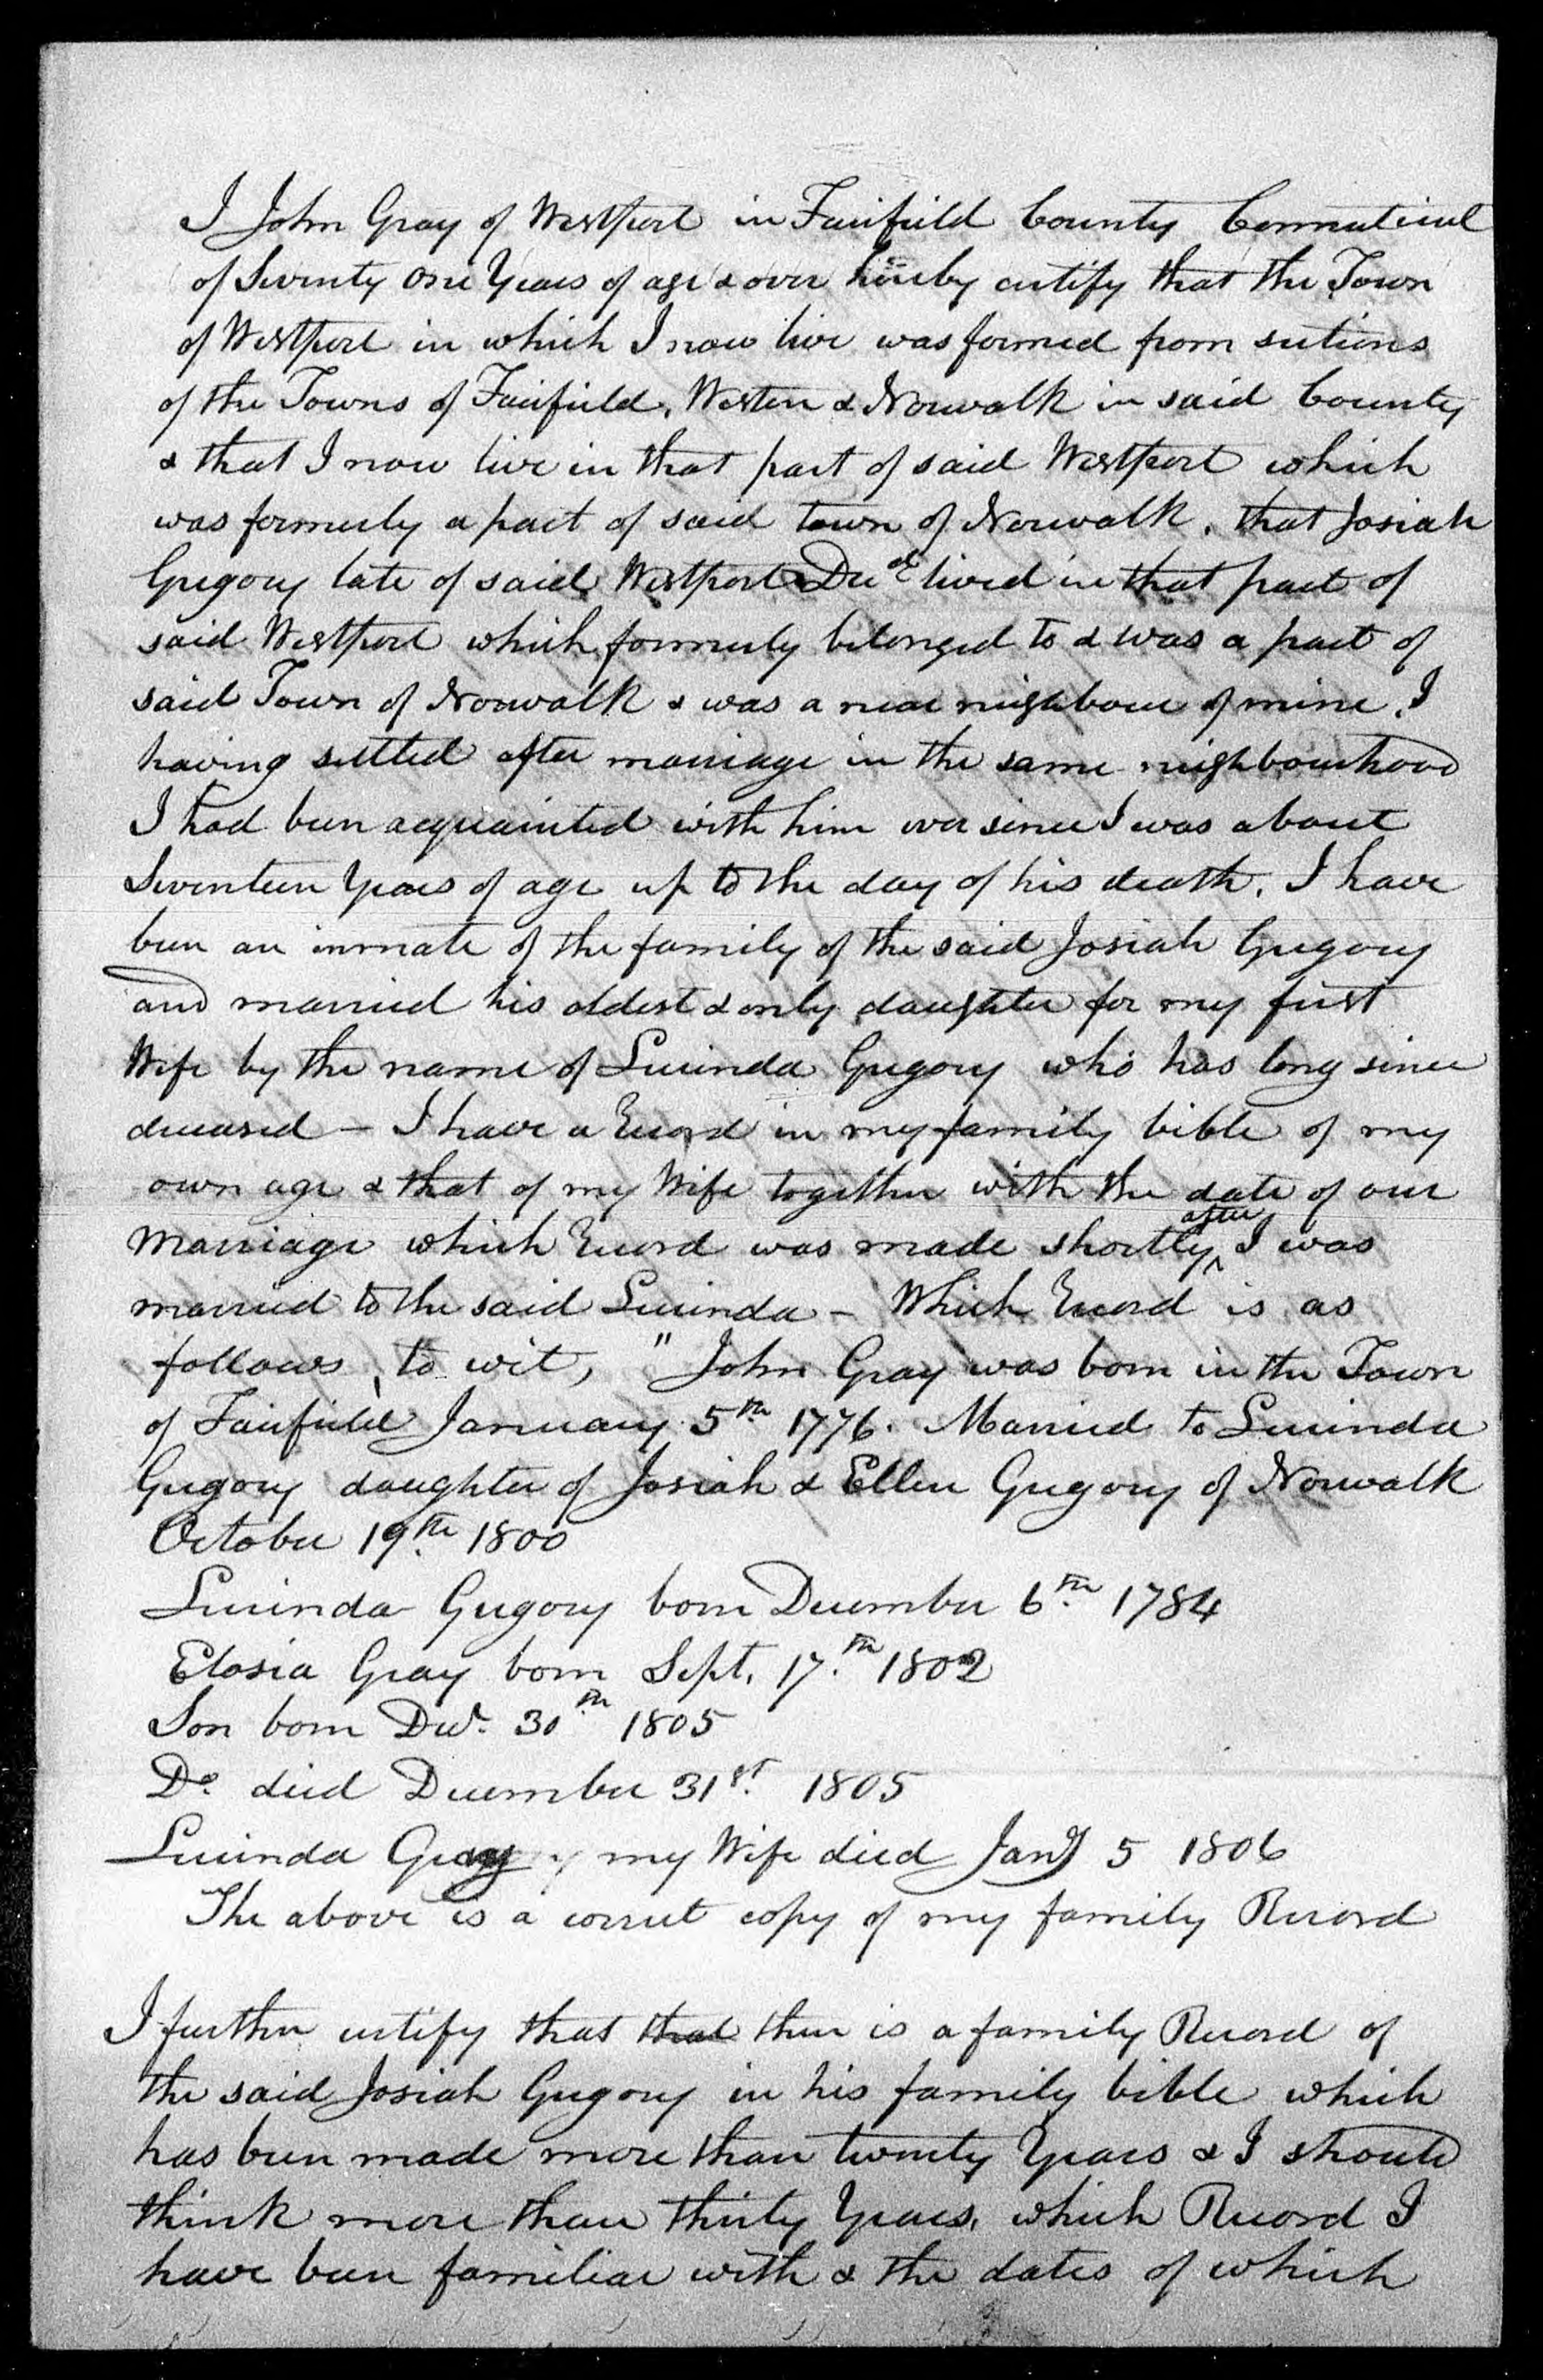I John Gray of Westport in Fairfield County Connecticut of Seventy one Years of age & over hereby certify that the Town of Westport in which I now live was formed from sections of the Towns of Fairfield, Weston & Norwalk in said County & that I now live in that part of said Westport which was formerly a part of said Town of Norwalk , that Josiah Gregory late of said Westport Decd. lived in that part of said Town of Norwalk & was a near neighbour [sic] of mine. I having settled after marriage in the same neighbourhood I had been acquainted with him ever since I was about Seventeen years of age up to the day of his death.  I have been an inmate of the family of the said Josiah Gregory and married his oldest & only daughter for my first Wife by the name of Lucinda Gregory who has long since deceased - I have a Record in my family bible of my own age & that of my Wife together with the date of our Marriage which Record was made shortly after [last word inserted] I was married to the said Lucinda - Which Record is as follows, to wit, "John Gray was born in the Town of Fairfield January 5th1776, Married to Lucinda Gregory daughter of Josiah & Ellen Gregory of Norwalk October 19th, 1800
Lucinda Gregory born December 6th 1784
Elosia Gray born Sept. 17th 1802
Son born Decr. 30th 1805
D. died December 31st 1805
Lucinda Gray my Wife died Jany 5 1806
The above is a correct copy of my family Record

I further certify that this is a family Record of the said Josiah Gregory in his family bible which has been made mare than twenty years & I should think more than thirty years which Record I have been familiar with & the dates of which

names: Josiah Gregory, Josiah Gregory, Lucinda Gregory, Elosia Gray, Lucinda Gregory, John Gray, Ellen Gregory, Lucinda, John Gray, Josiah Gregory, Lucinda Gray, Lucinda Gregory, Josiah Gregory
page: 19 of 49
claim: widow's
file: W 24308, Josiah Gregory, Conn.